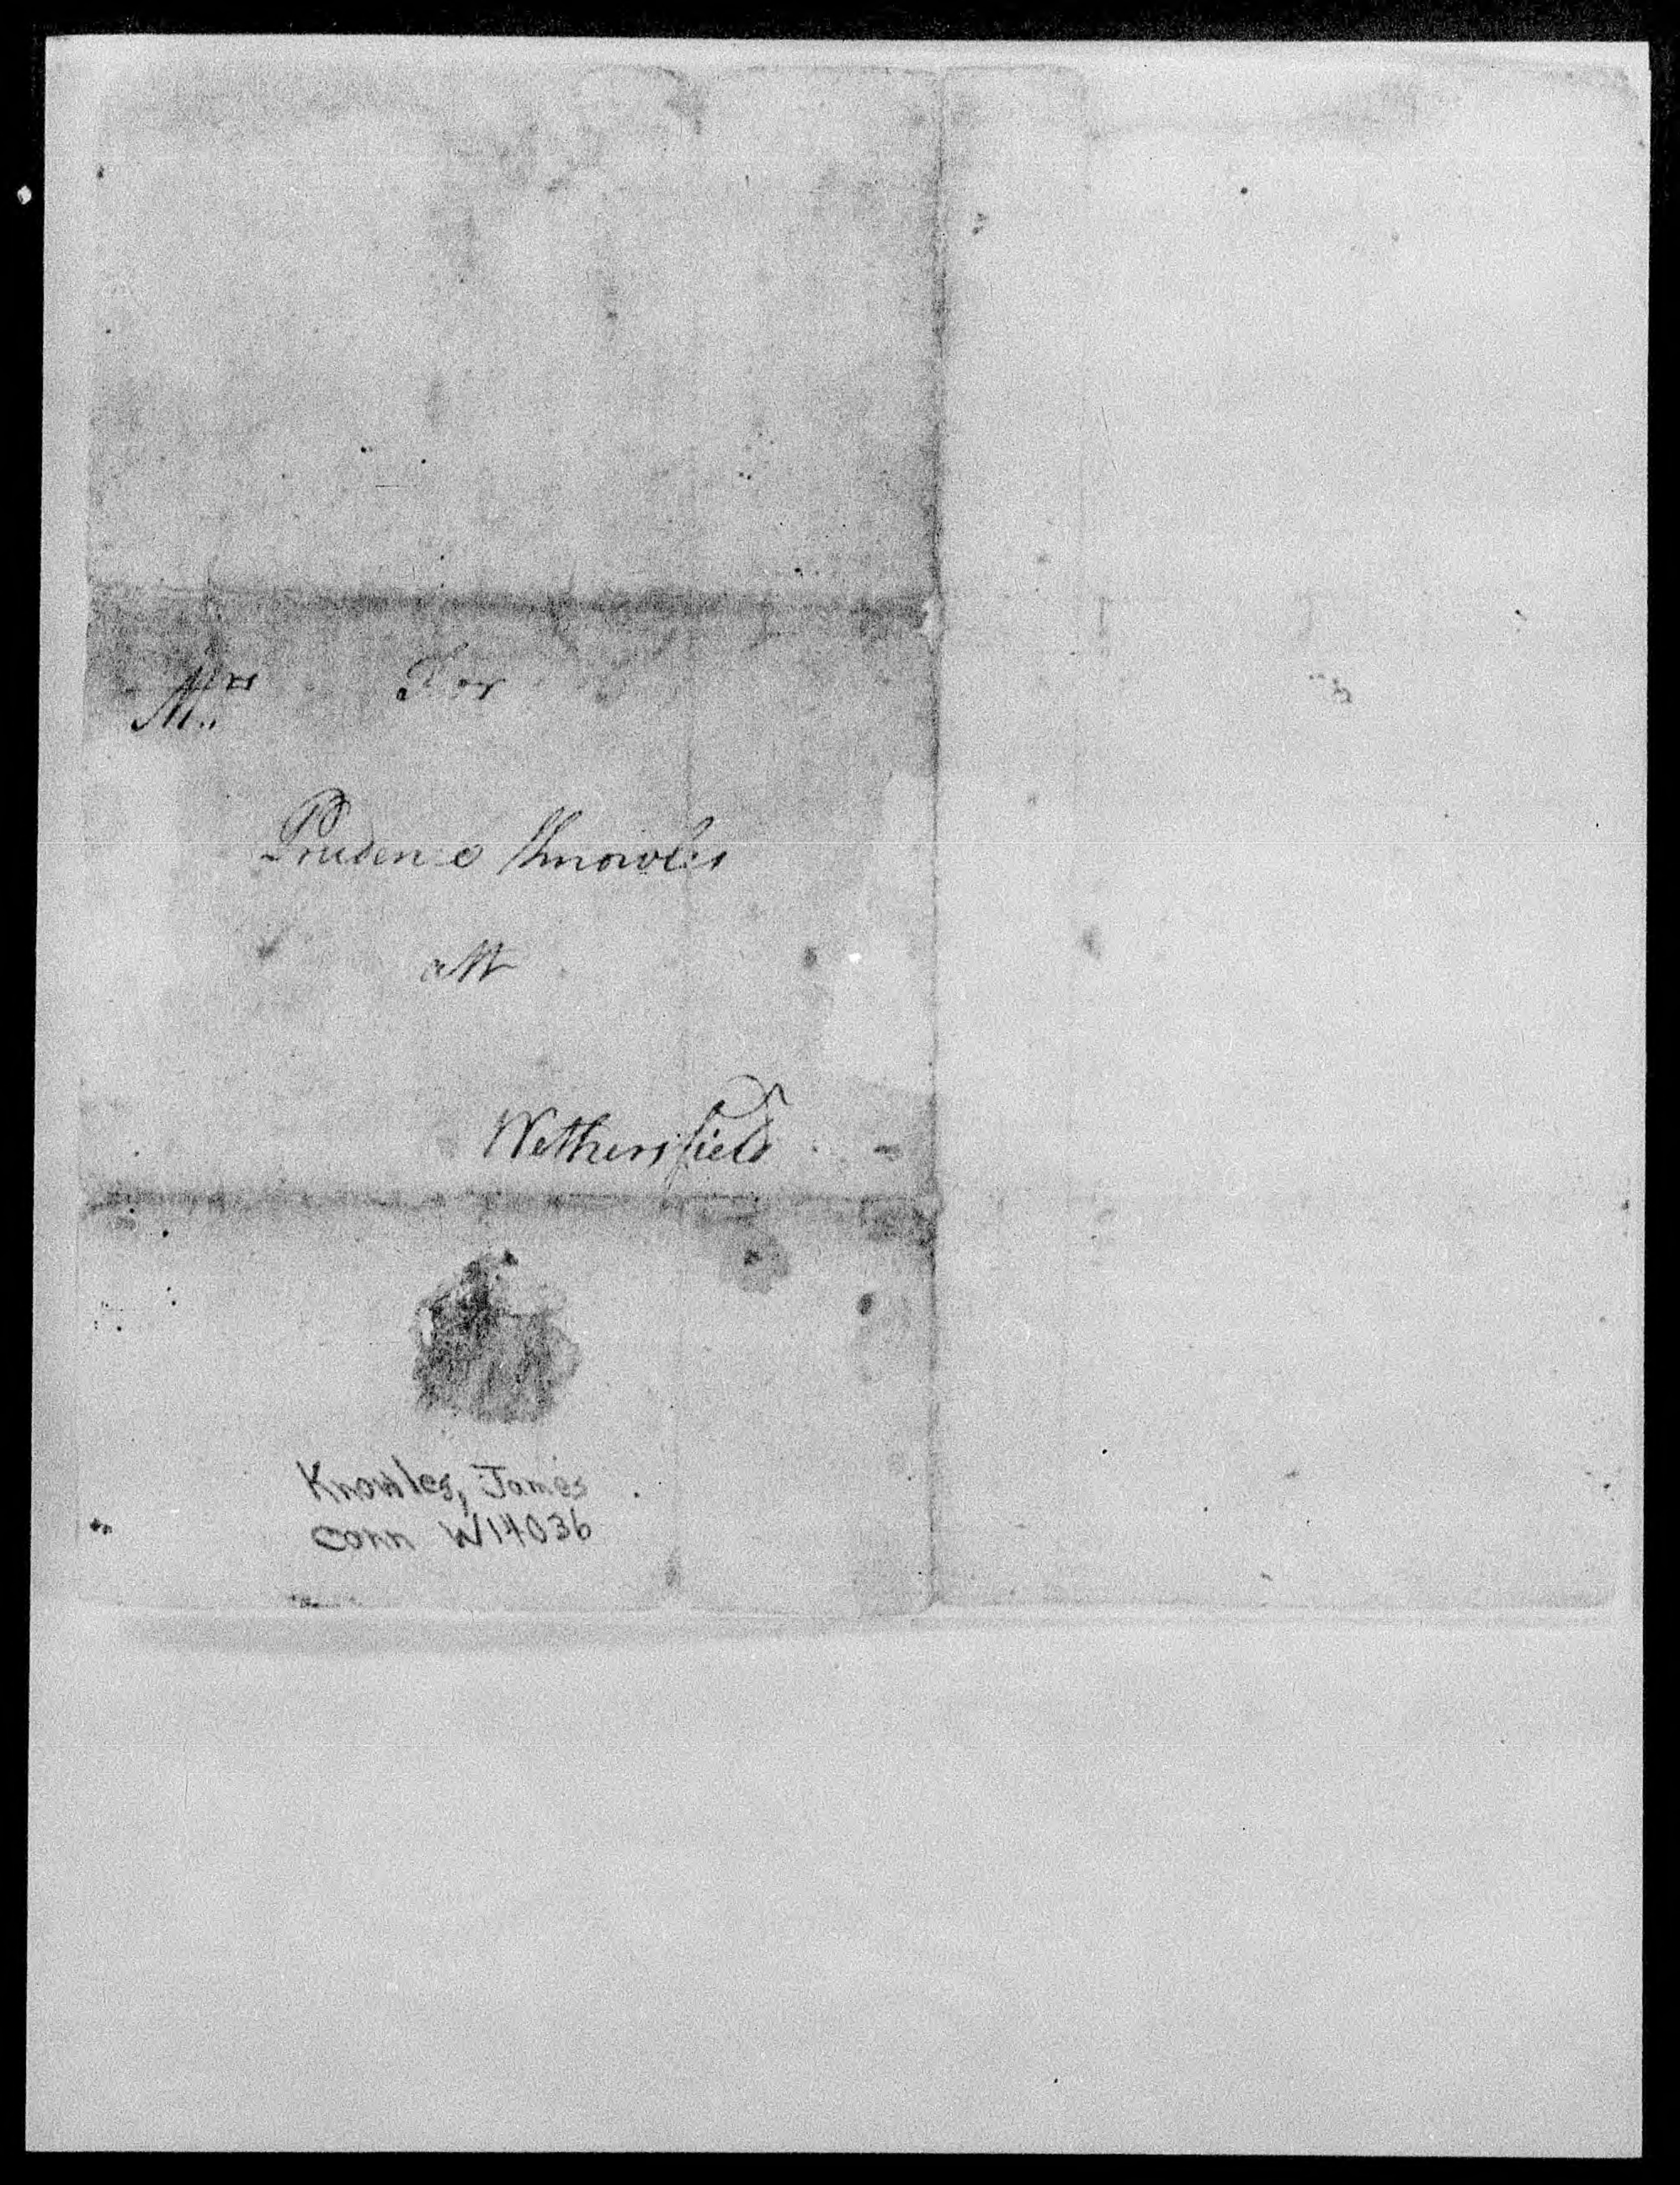For Mrs. Prudence Knowles
att
Wethersfield


Knowles, James
Conn W14036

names: Prudence Knowles; James Knowles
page: 23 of 60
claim: widow's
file: W. 14,036, for James Knowles, Connecticut